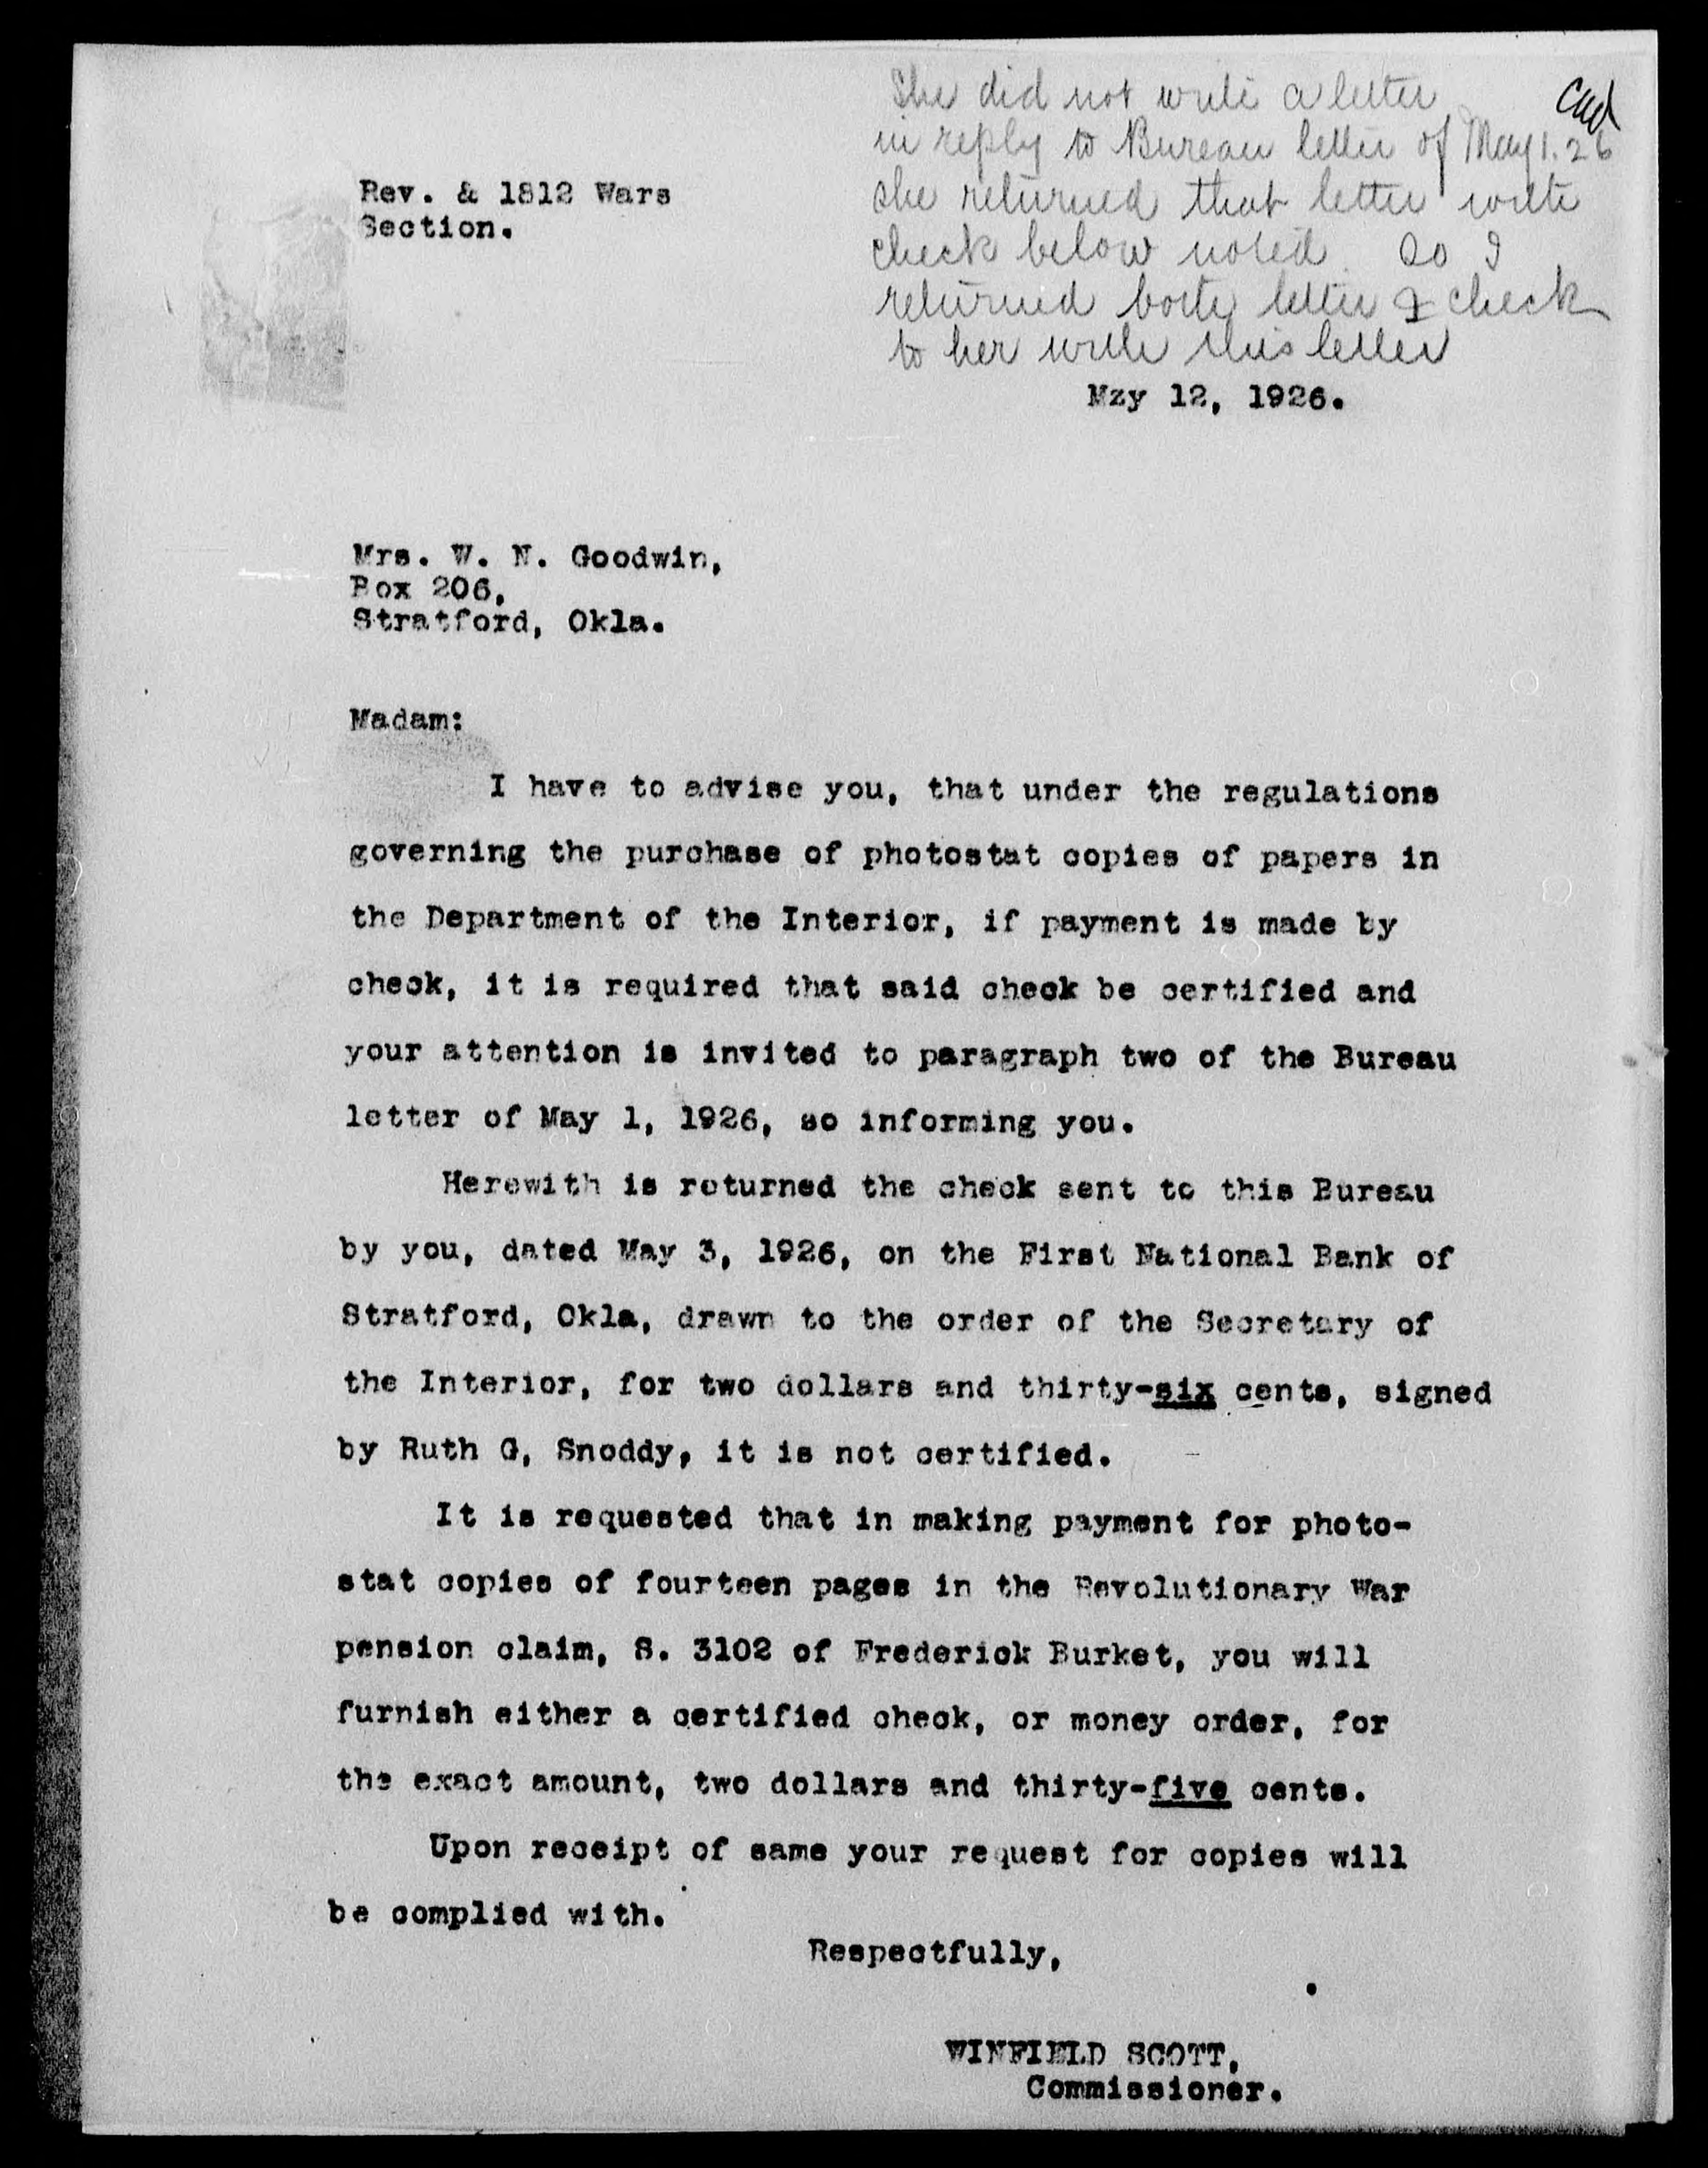(Handwriting at top of letter):
CWD
She did not write a letter in reply to Bureau letter of May 1, 26 she returned that letter with check below noted.  So I returned both letter & check to her with this letter

Rev. & 1812 Wars
Section.

Mzy 12, 1926.

Mrs. W. N. Goodwin
Box 206,
Stratford, Okla.

Madam:
I have to advise you, that under the regulations governing the purchase of photostat copies of papers in the Department of the Interior, if payment is made by check, it is required that said check be certified and your attention is invited to paragraph two of the Bureau letter of May 1, 1926, so informing you.

Herewith is returned the check sent to this Bureau by you, dated May 3, 1926, on the First National Bank of Stratford, Okla, drawn to the order of the Secretary of the Interior, for two dollars and thirty-six cents, signed by Ruth G. Snoddy it is not certified.

It is requested that in making payment for photostat copies of fourteen pages in the Revolutionary War pension claim, S. 3102 of Frederick Burket, you will furnish either a certified check, or money order, for the exact amount, two dollars and thirty-five cents.

Upon receipt of same your request copies will be complied with.

Respectfully,
WINFIELD SCOTT
Commissioner.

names: W N Goodwin, Ruth G Snoddy, Winfield Scott, Frederick Burket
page: 45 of 47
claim: survivor's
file: S. 3102, Frederick Burket, Va.